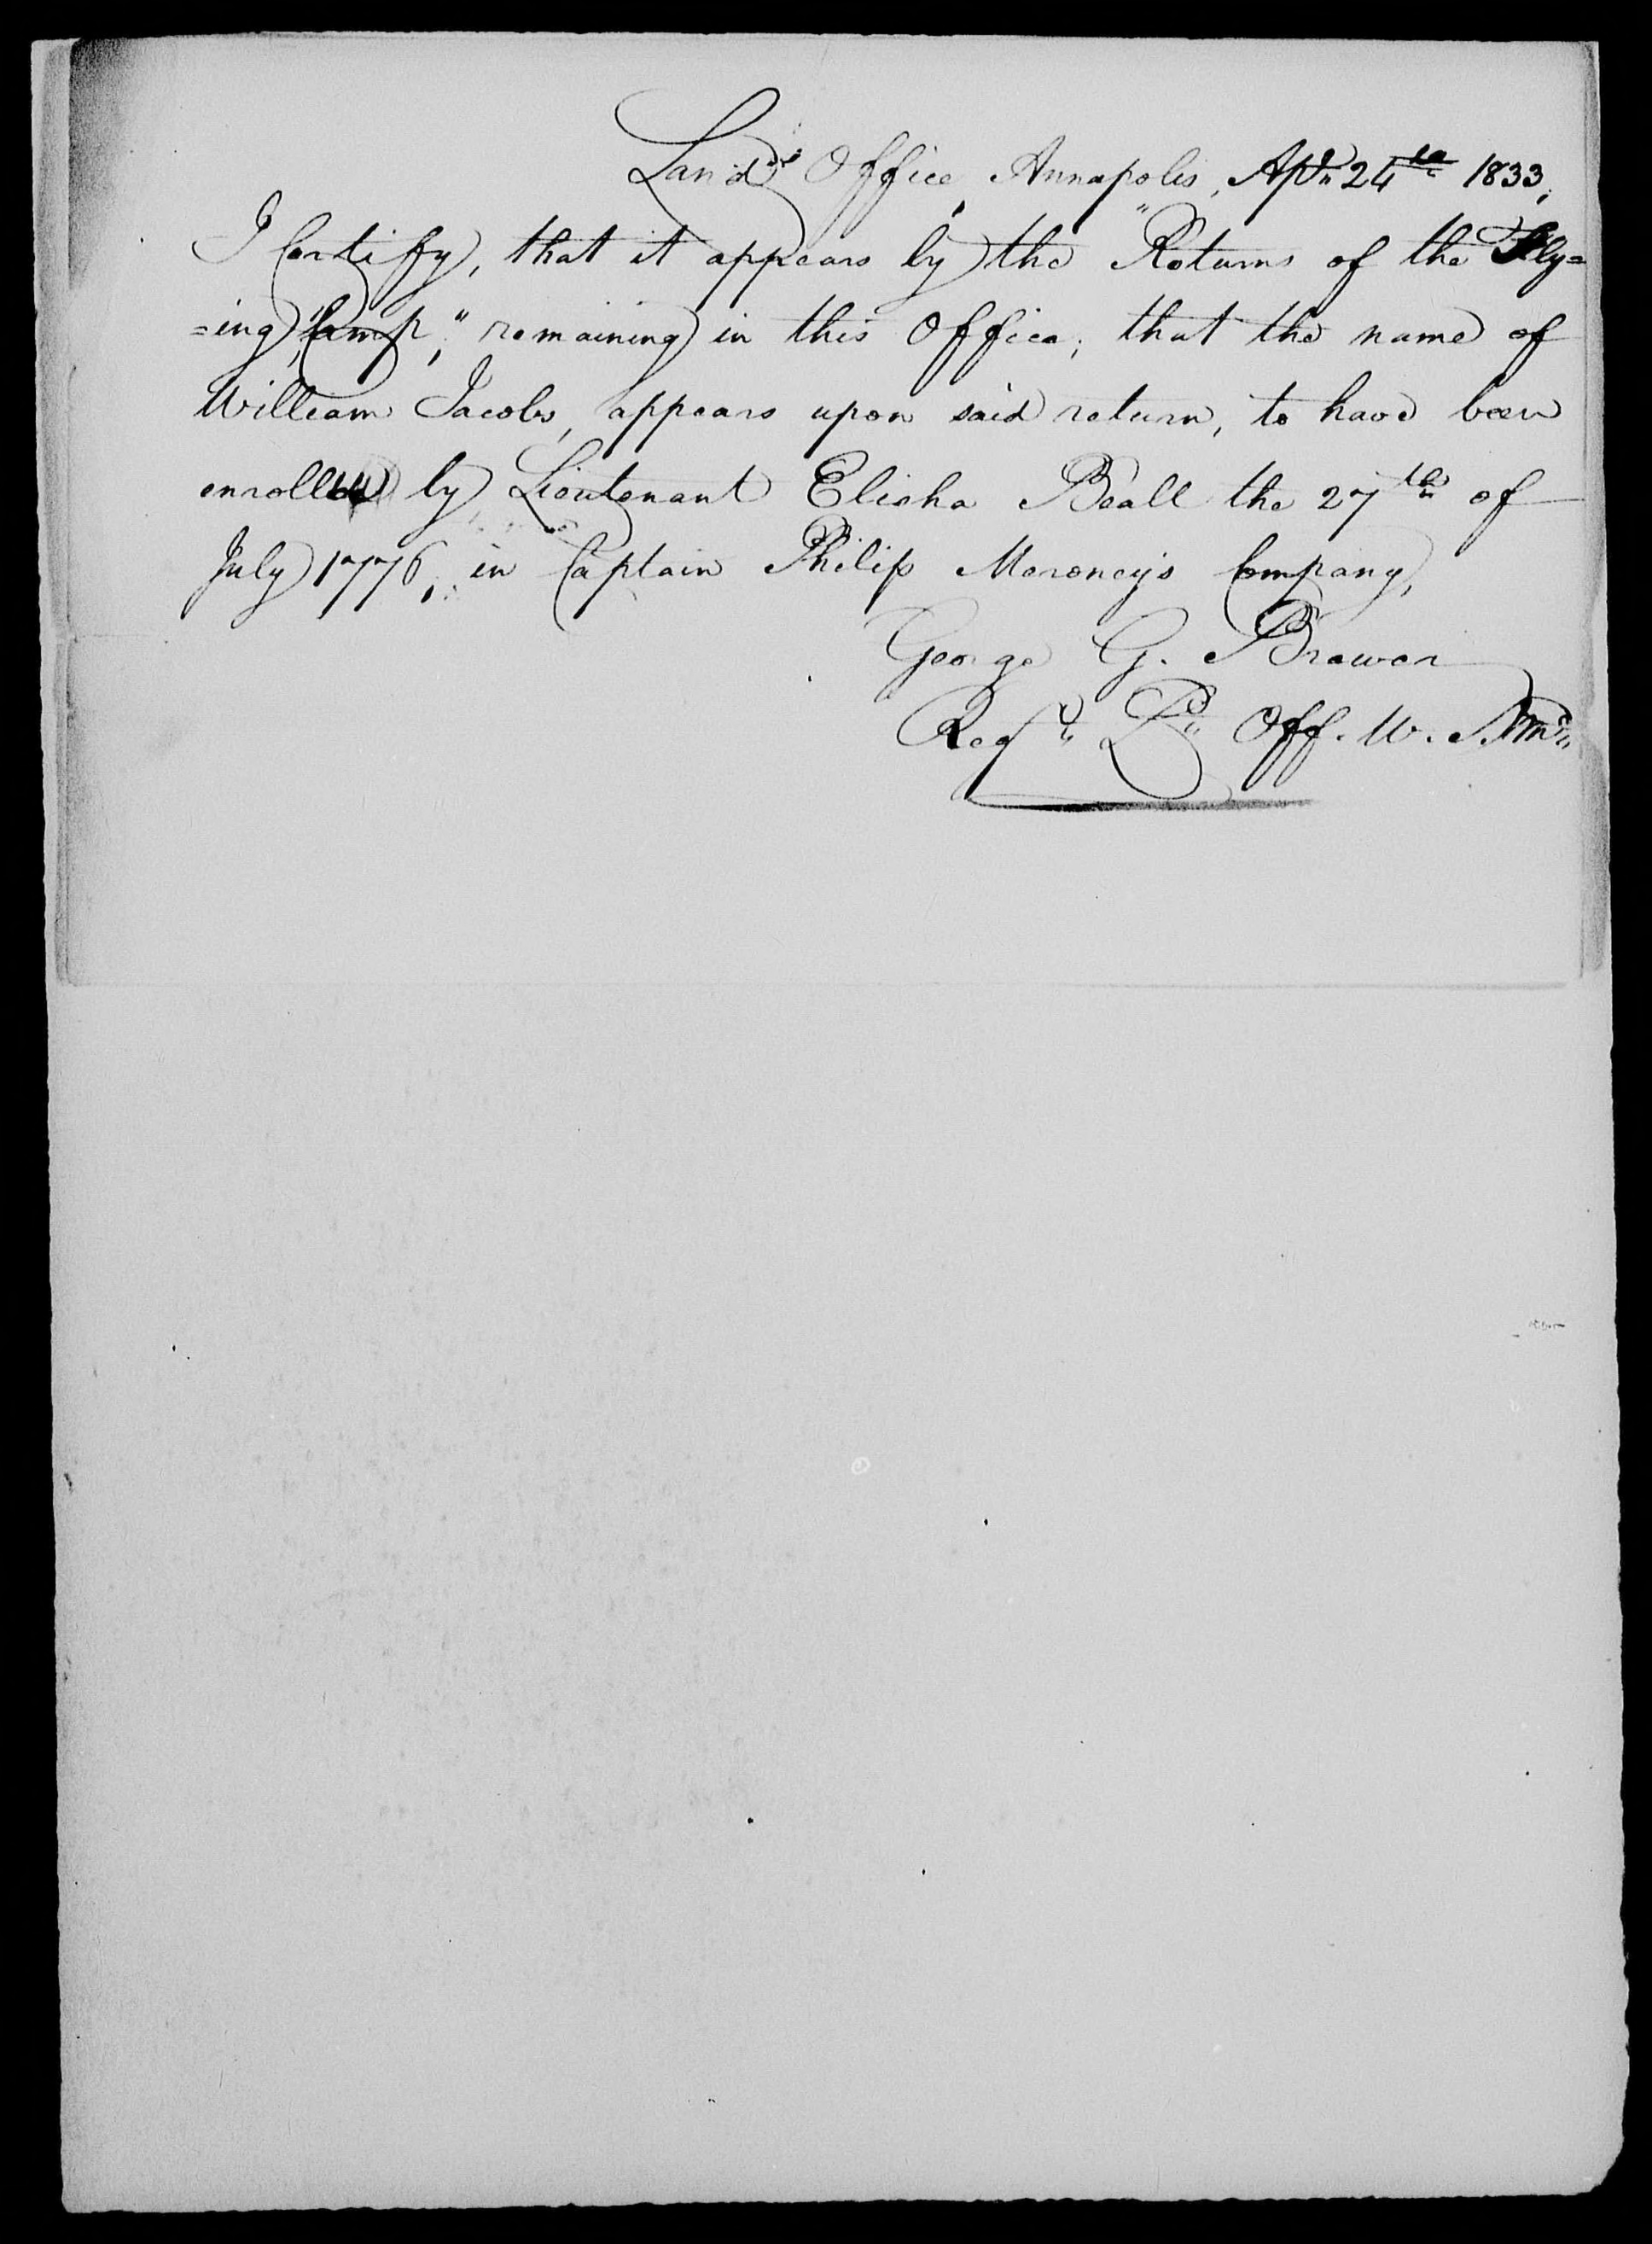Land Office Annapolis Apl 24th 1833 
I certify, that it appears by the “Returns of the Flying Camp,” remaining in this Office, that the name of 
William Jacobs, appears upon said return, to have been 
enrolled by Liutenant Elisha Beall the 27th of July 1776 in Captain Philip Maroney's Company, 

George G. Brewer 
Regr Ld Off. W. Md
[Registrar, Land Office W. Maryland]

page: 16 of 23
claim: survivor's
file: S. 2289, for William Jacobs, Maryland